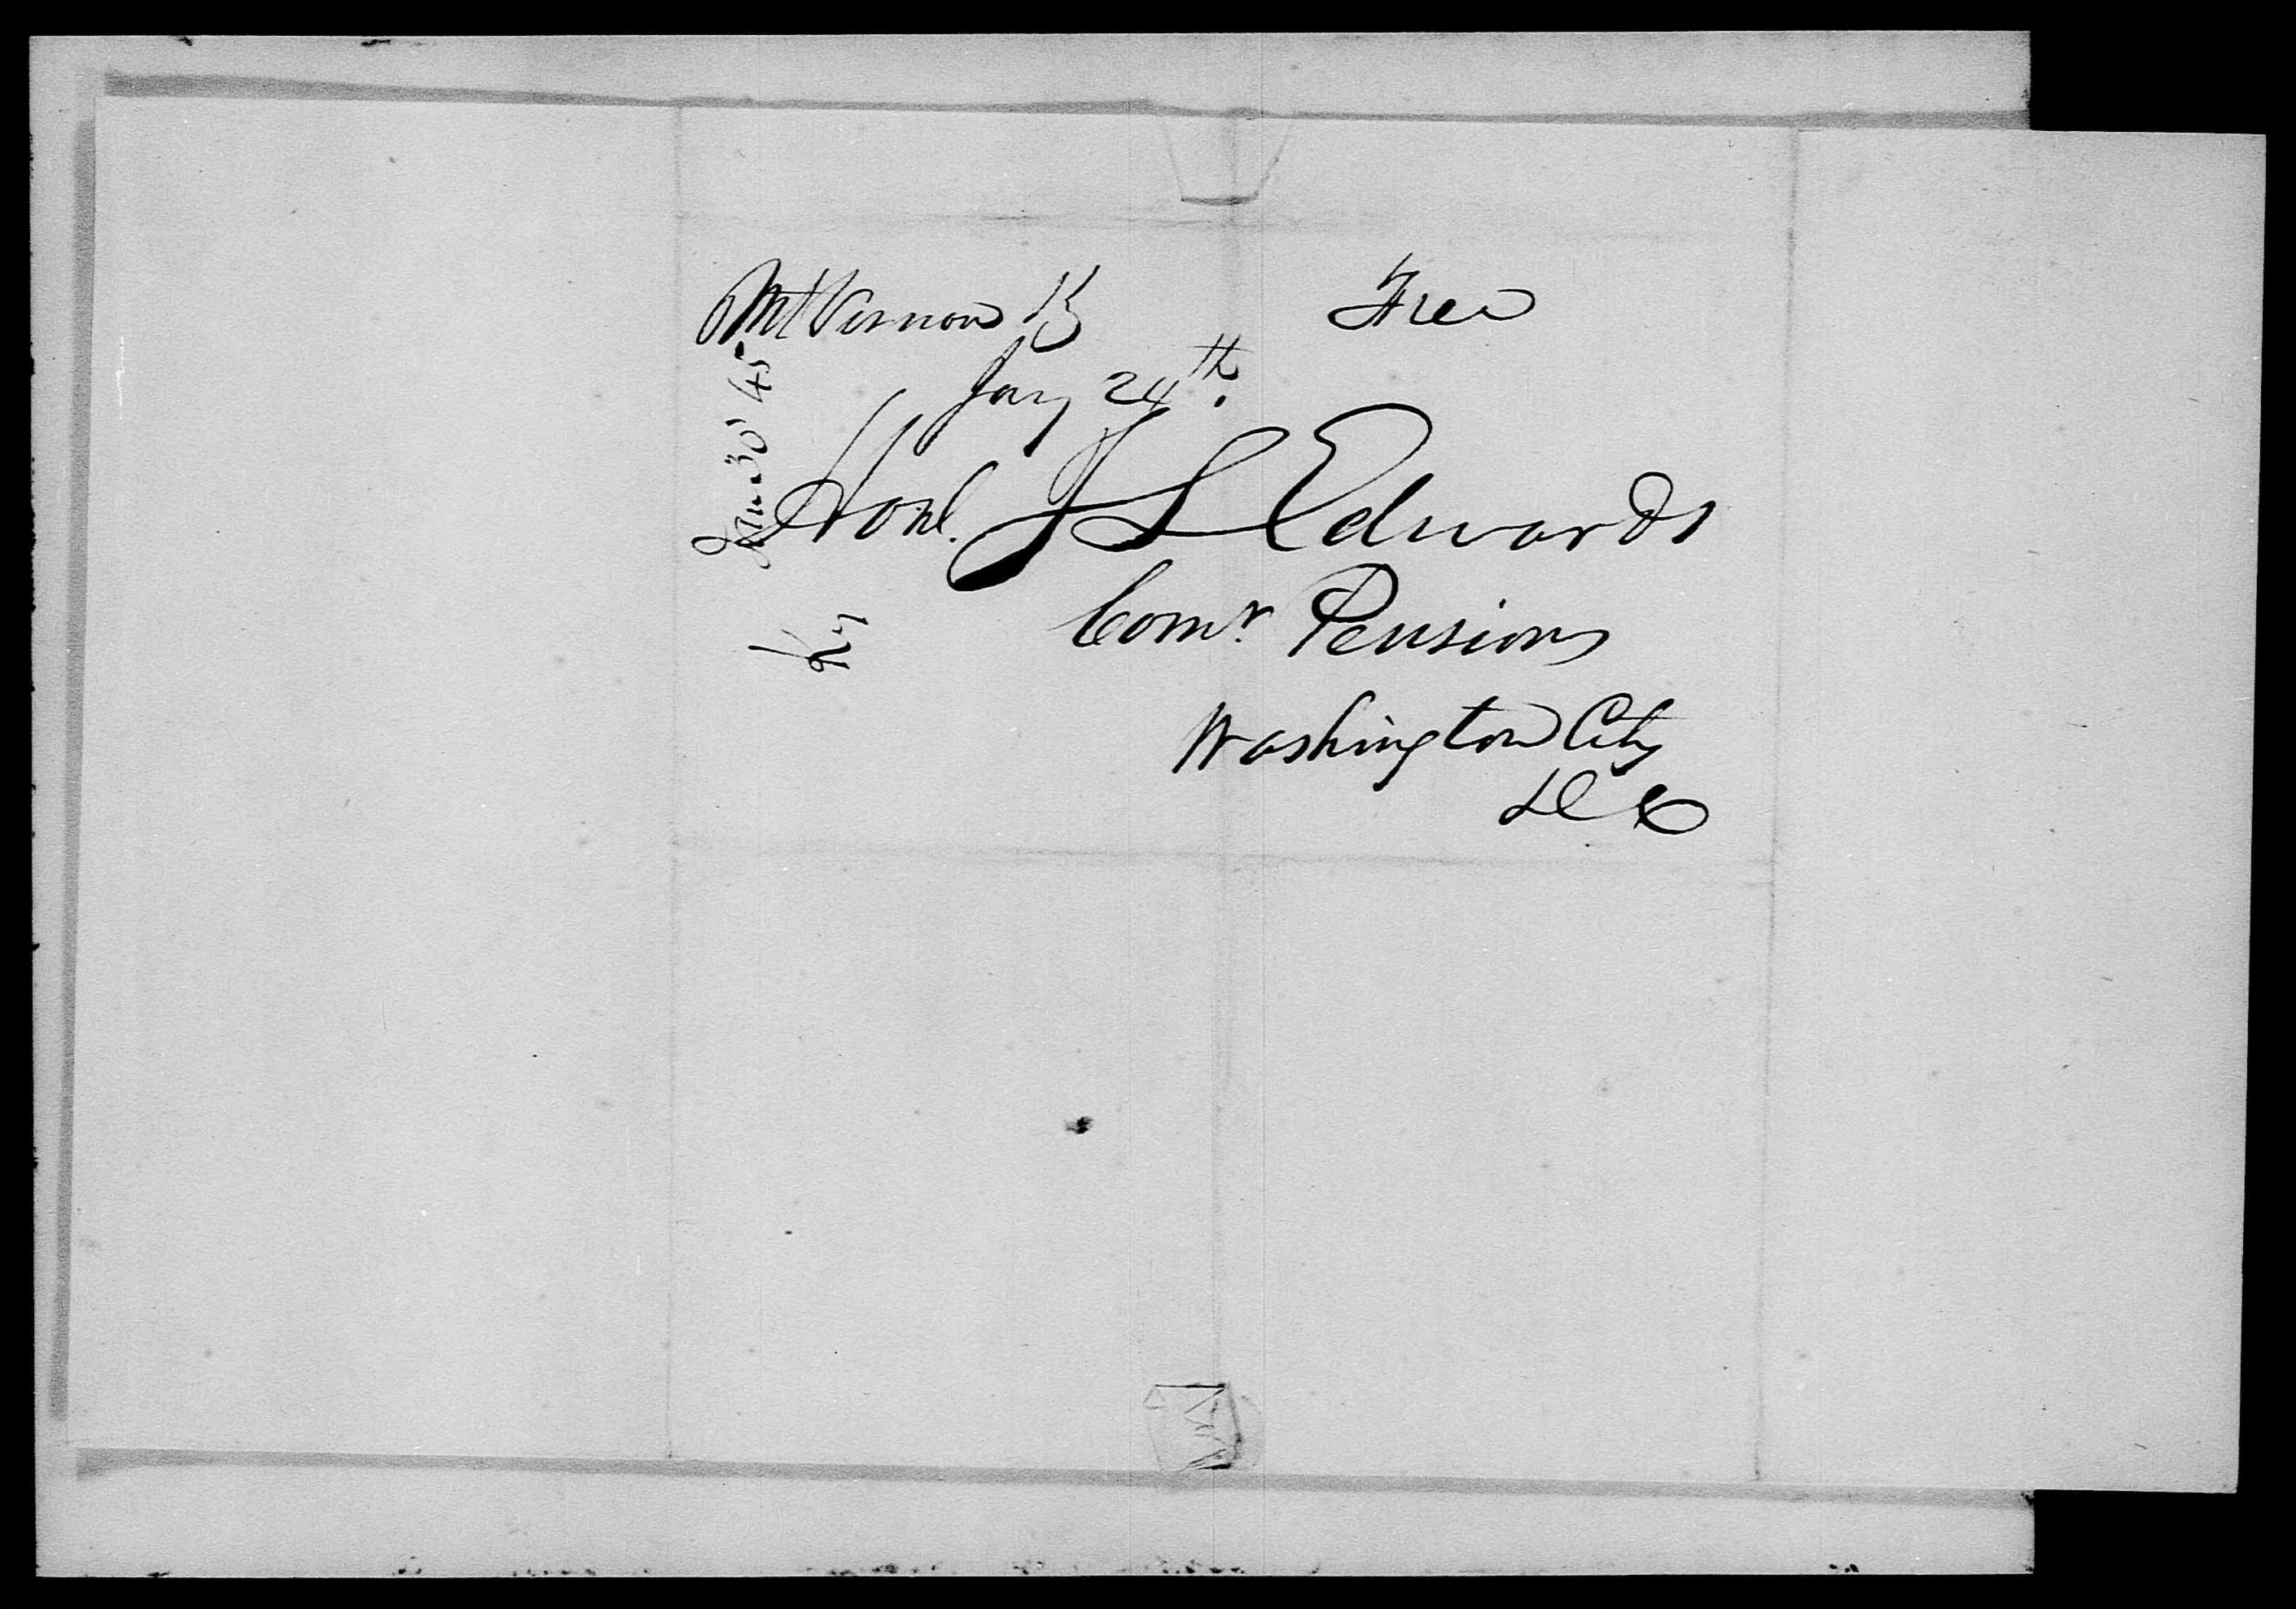Mt Vernon Ky  Free
Jany 24th
Jan 30 '45
Hon JL Edwards
Comr of Pensions
Washington City DC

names: J L Edwards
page: 42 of 43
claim: rejected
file: R. 8217, for Thomas Philpot, South Carolina